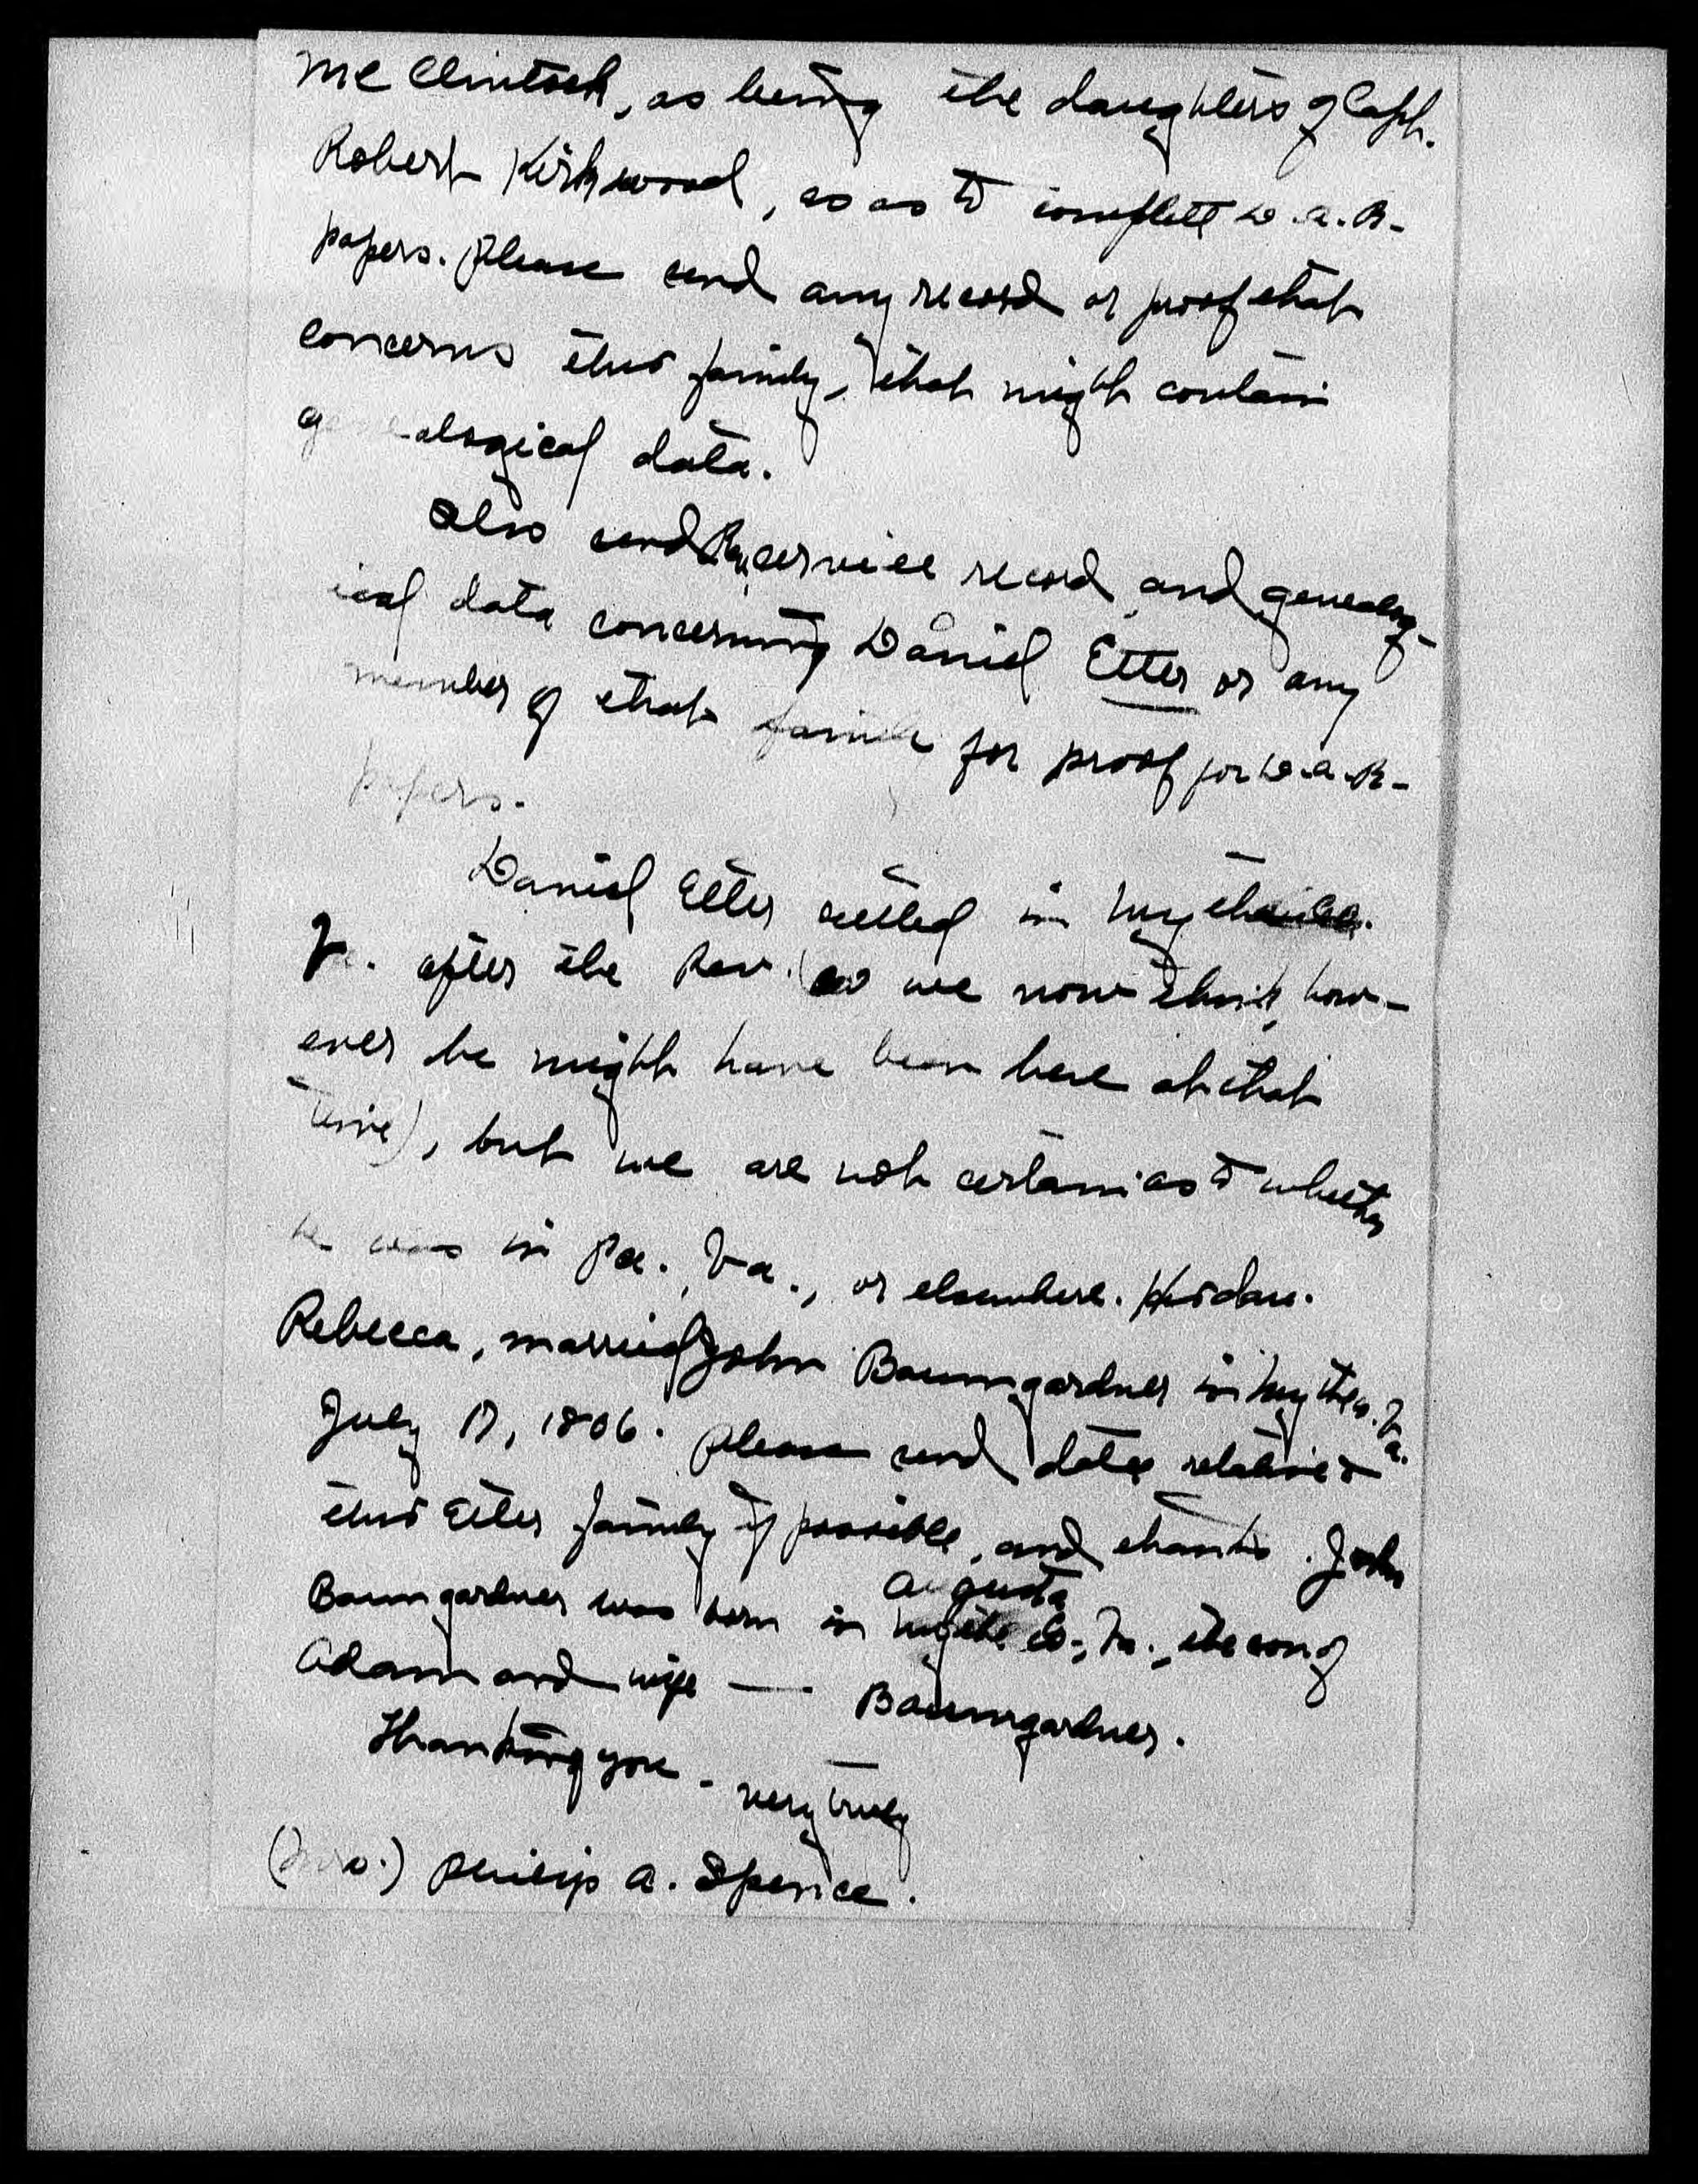McClintock, as being the daughters of 
Robert Kirkwood, so as to
complete D.O.B. papers.
Please send any record or proof that
concerns this family - that might contain
genealogical data.
Also send Rev. service record and genealogical
data concerning Daniel Etter or any
member of that family for D.O.B. papers.
Daniel Etter settled in Wytheville, Va.
after the Rev.  (We now think however he might have been here at that
time), but we are not certain as to whether
he was in Pa., Va., or elsewhere.
[illegible] 
Rebecca, married John Baumgardner in Wytheville, Va. July 10, 1806.
Please send date relative to that Etter family if possible, and thanks.

John Baumgardner was born in Augusta, Va., the son of Adam and wife -- Baumgardner.
Thanking you - very truly
(Mrs.) Philip A. Spence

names: Adam [BLANK]; Philip A Spence; Daniel Etter; John Baumgardne; Robert Kirkwood; Rebecca [BLANK]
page: 16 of 20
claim: bounty land warrant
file: B. L. Wt. 1102-300, for Robert Kirkwood, Delaware